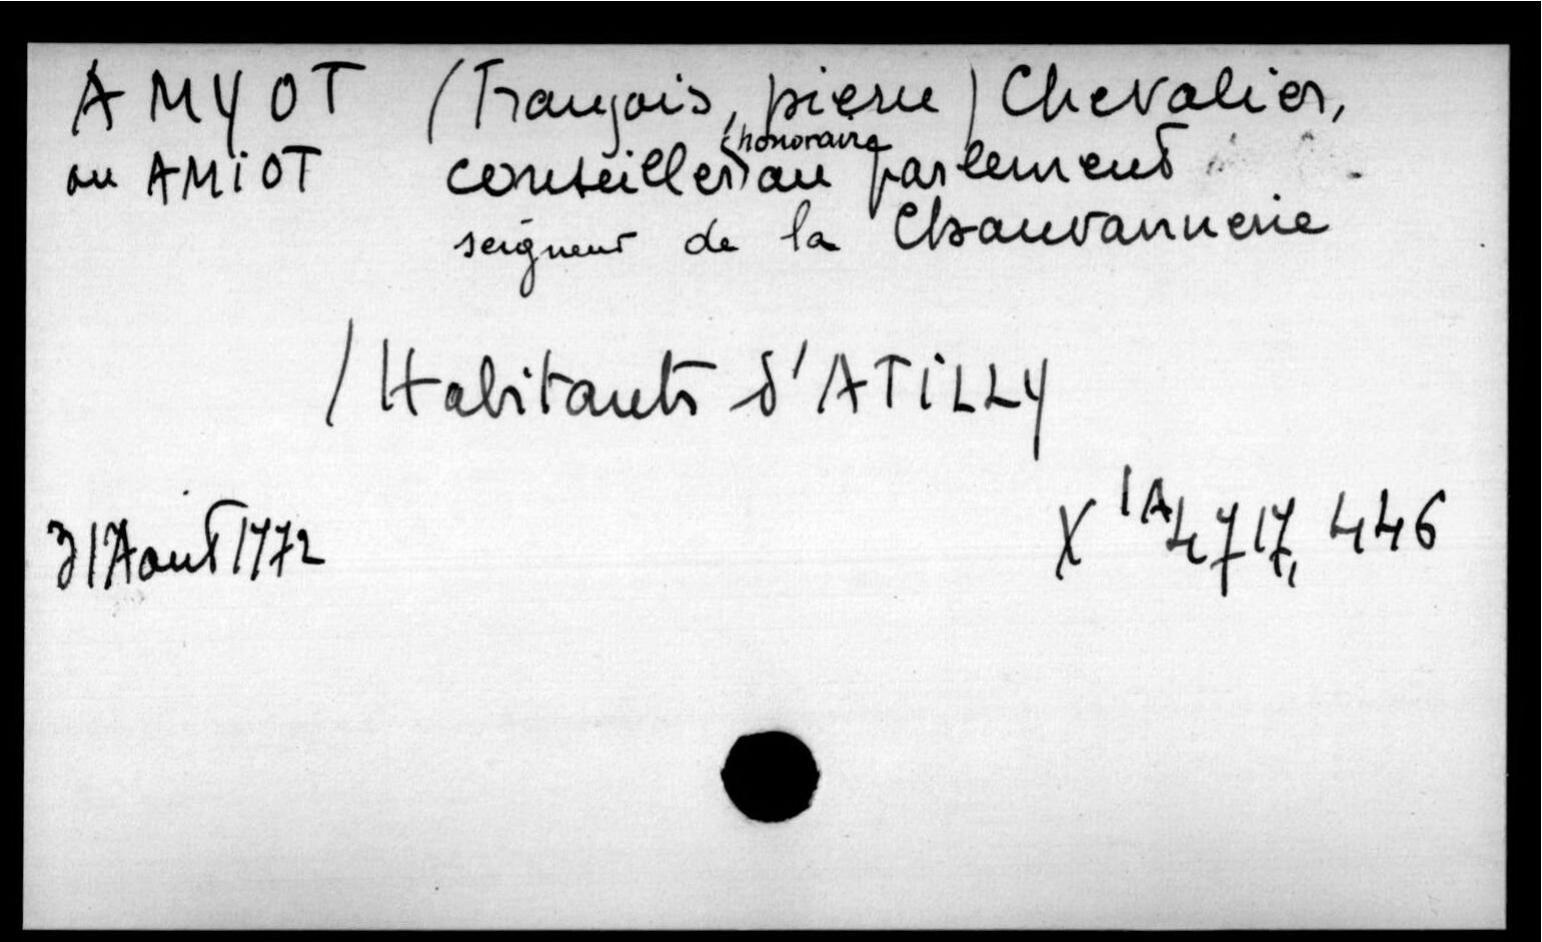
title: AMYOT ou AMIOT (François, Pierre) Chevalier, Conseiller honoraire au parlement seigneur de la Chauvannerie
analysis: Contre Habitants d'ATILLY
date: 31 août 1772
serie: X1A
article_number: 4717
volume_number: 446
